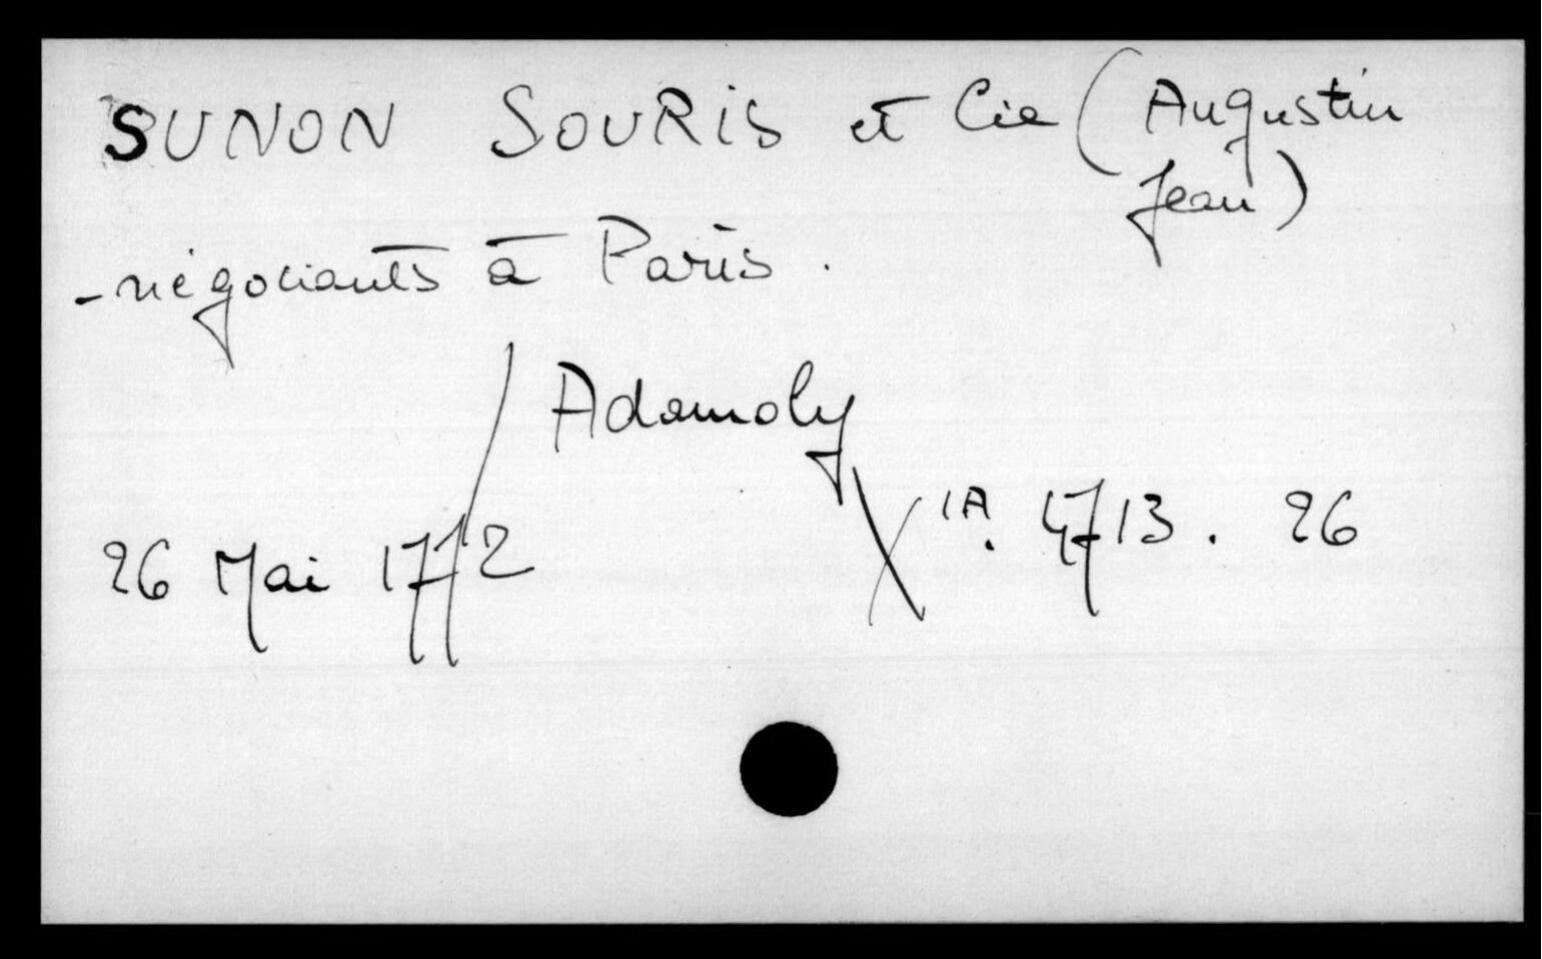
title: SUNON SOURIS et Cie (Augustin-Jean) - négociants à Paris
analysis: Contre Adamoly
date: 26 mai 1772
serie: X1A
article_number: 4713
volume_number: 26
